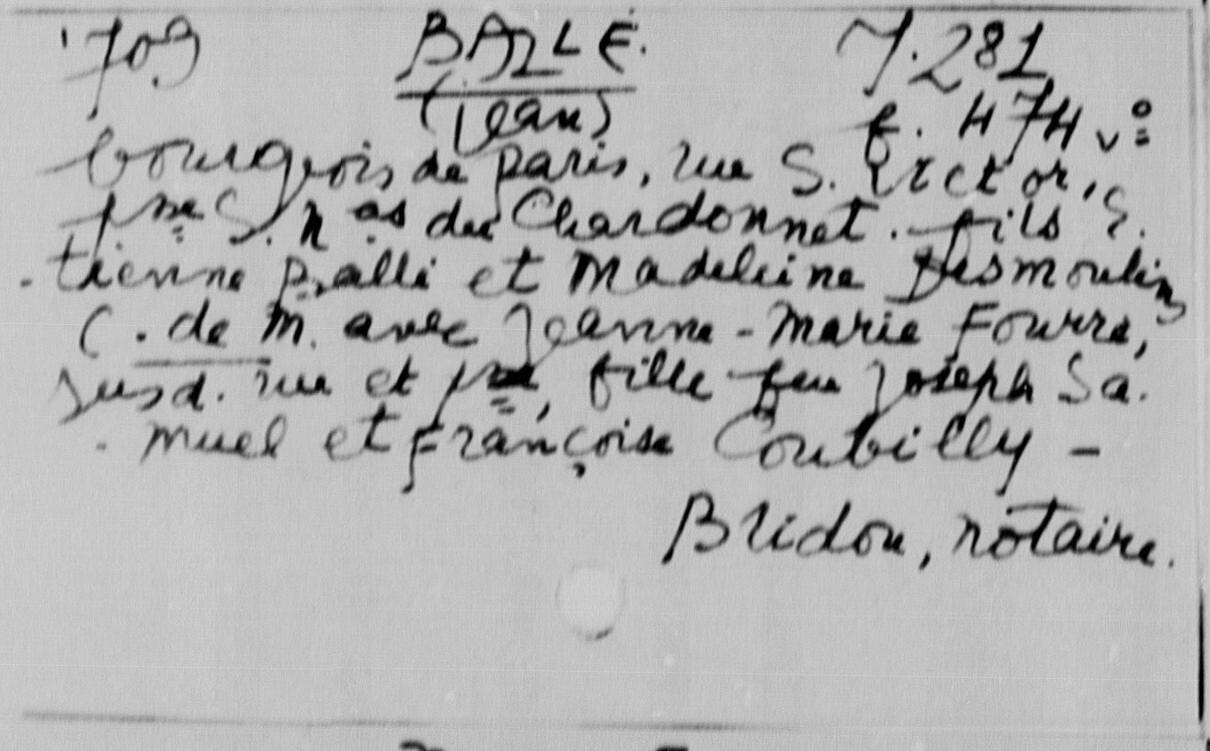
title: BALLÉ (Jean)
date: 1709
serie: Y
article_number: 281
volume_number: folio 474v
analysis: Bourgeois de Paris, rue Saint-Victor, paroisse Saint-Nicolas-du-Chardonnet. Fils Etienne BALLÉ et Madeleine DESMOULINS. Contrat de mariage avec Jeanne-Marie FOURRE, susdites rue et paroisse, fille feu Joseph SaMUEL et Françoise Coubilly. Bridon, notaire.
